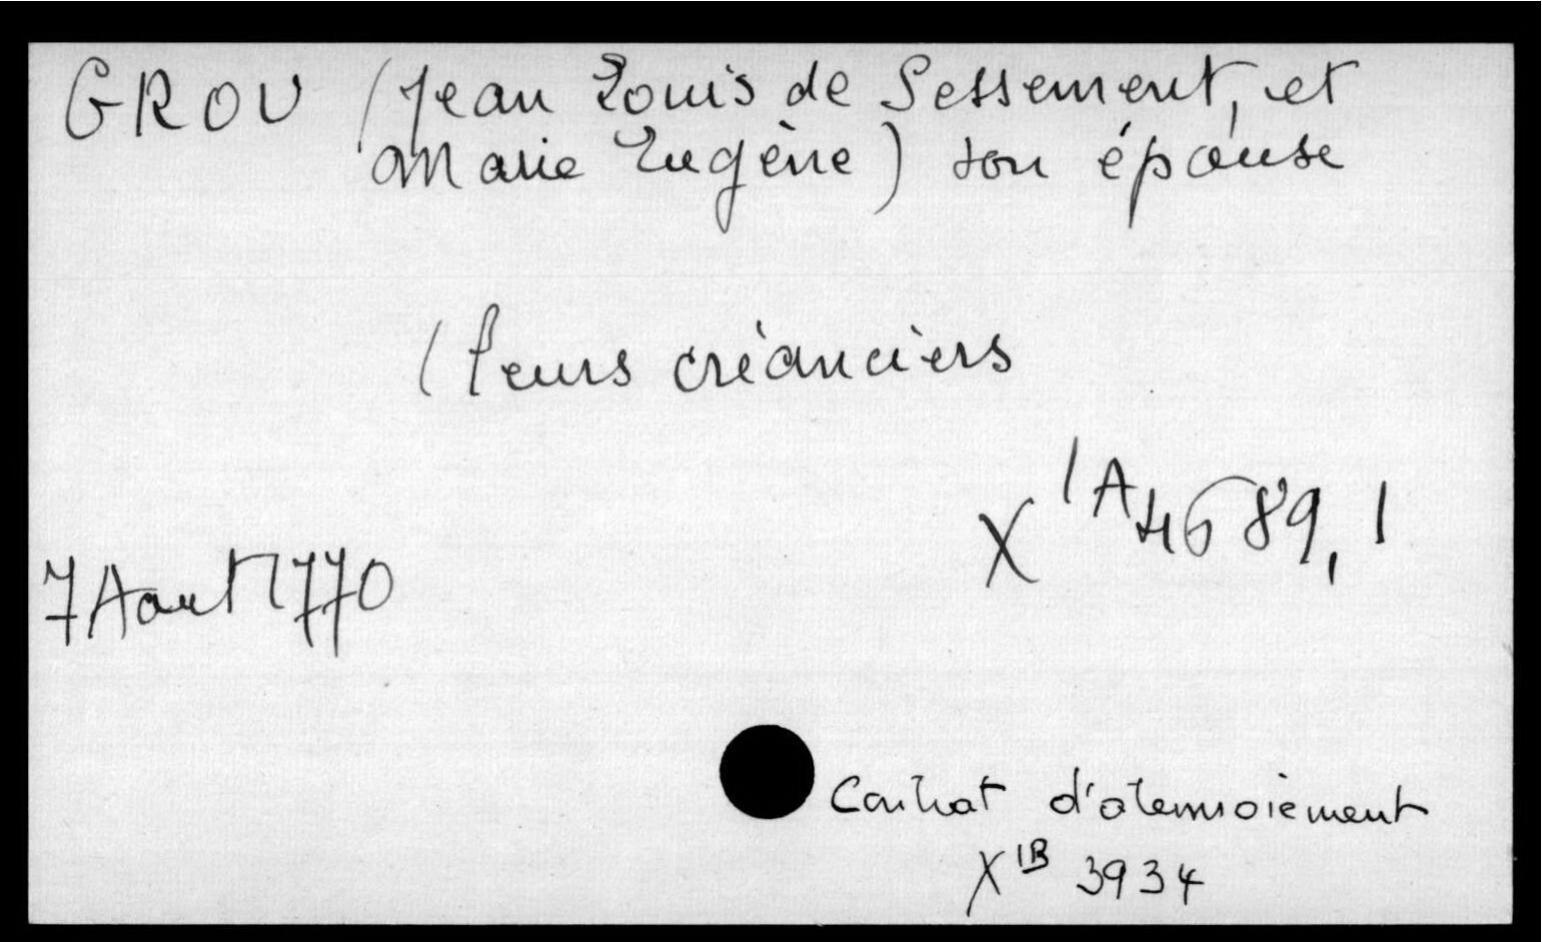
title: GROU (Jean Louis de Sessement, et Marie Eugène) son épouse
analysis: Contre leurs créanciers
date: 7 août 1770
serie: X1A
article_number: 4689
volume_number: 1
